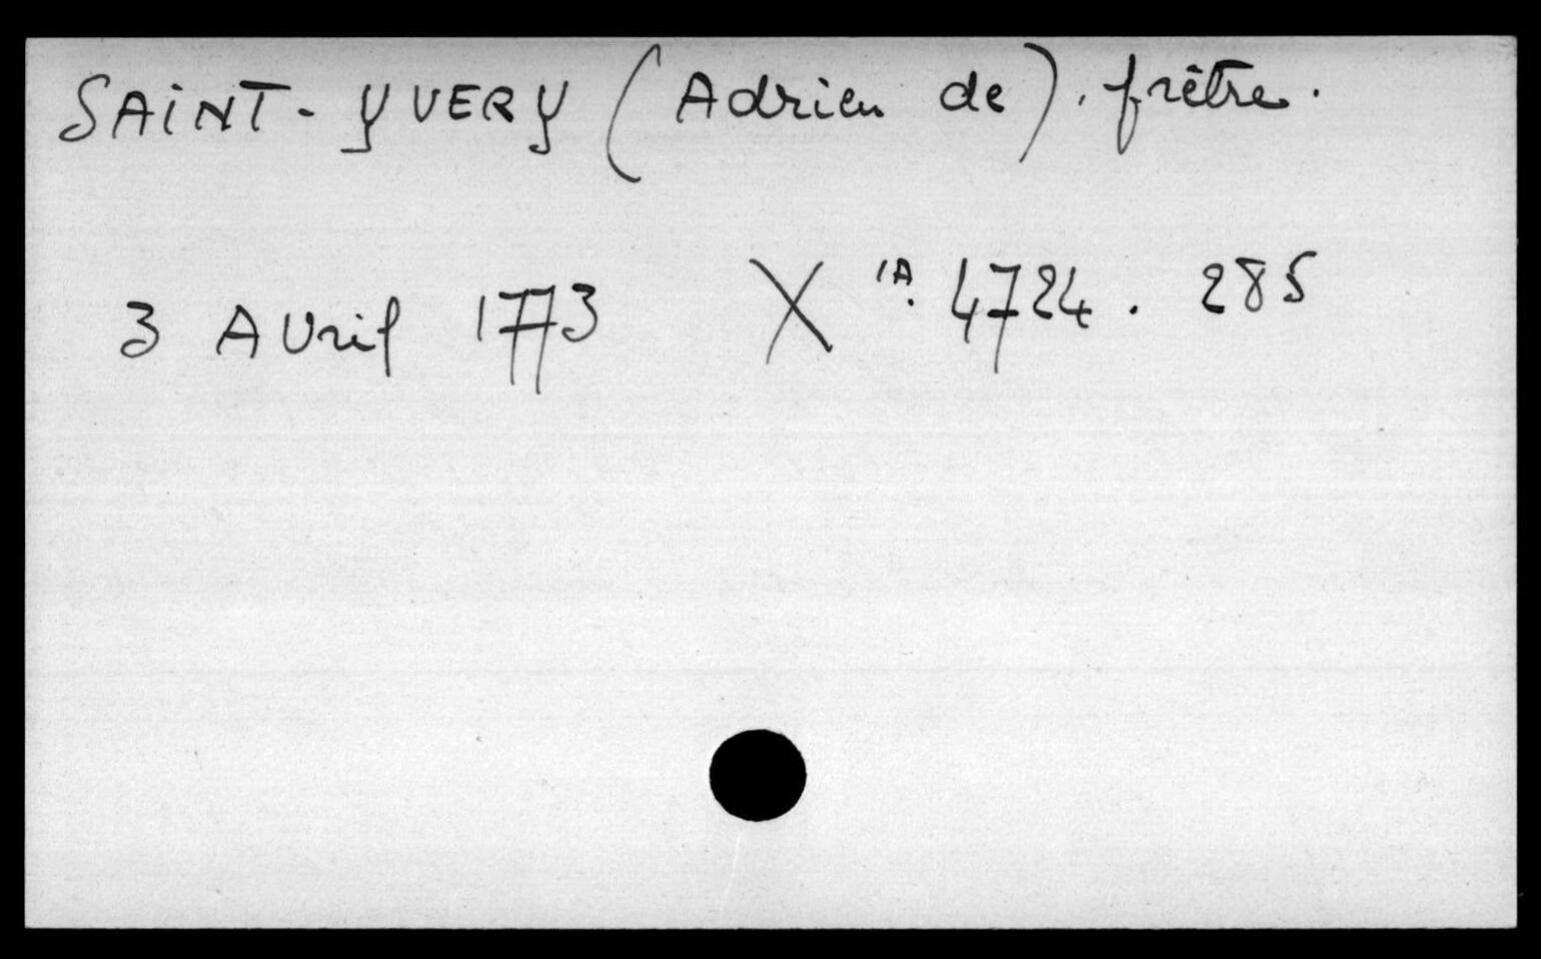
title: SAINT-YVERY (Adrien de), prêtre
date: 3 avril 1773
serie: X1A
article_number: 4724
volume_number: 285
